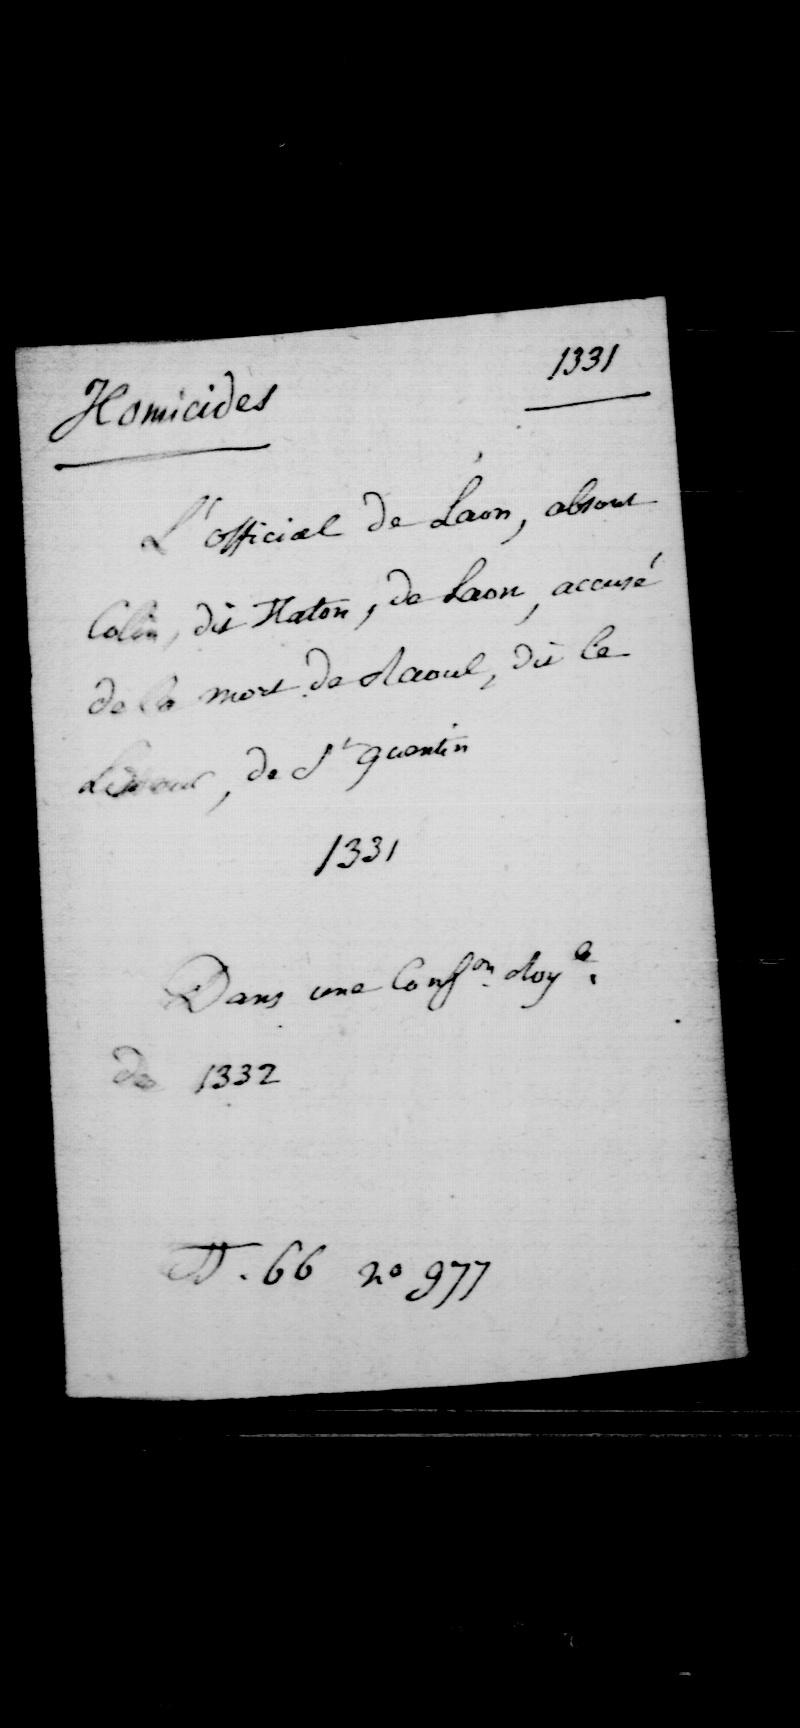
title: Homicides
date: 1331
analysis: L’official de Laon, absout Colin, dit Haton, de Laon, accusé de la mort de Raoul, dit le Listeur, de Saint-Quentin. Dans une confirmation royale de 1332.
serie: JJ
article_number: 66
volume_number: n° 977
